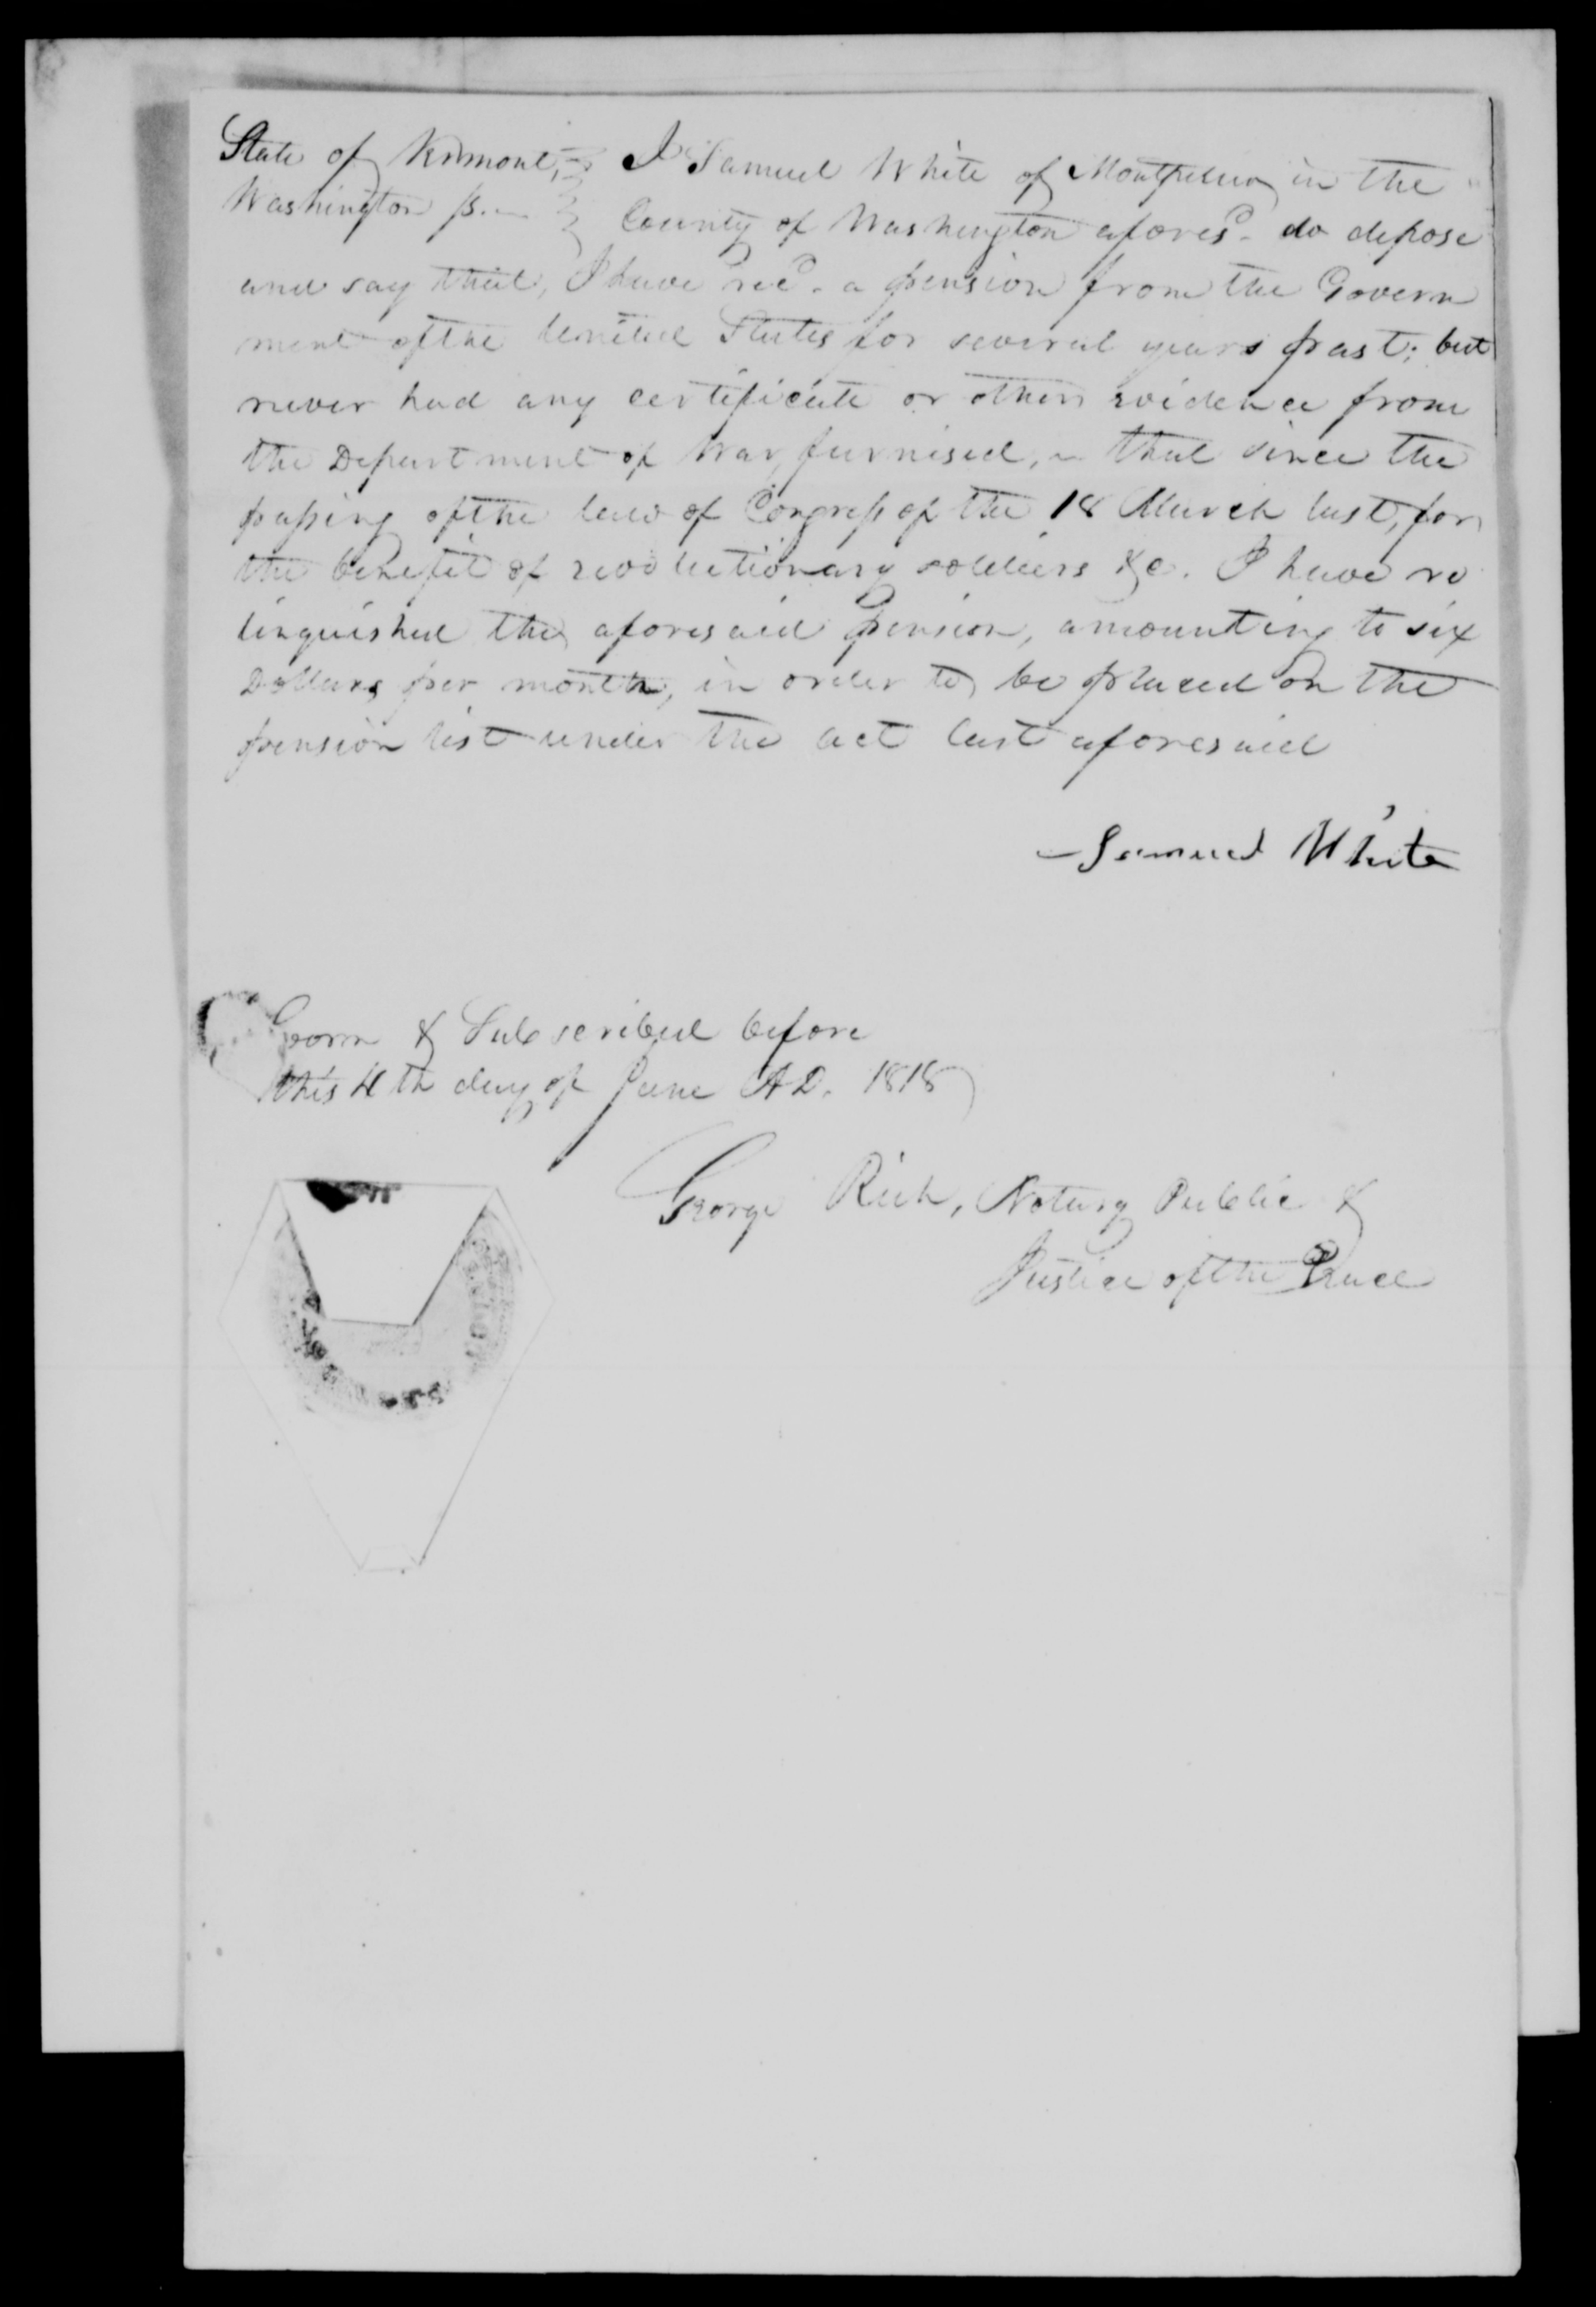State of Vermont
Washington SS
I Samuel White of Montpelier in the County of Washington aforesaid do depose and say that I have rec'd a pension from the government of the United States for several years past, but never had any certificate or other evidence from the Department of War furnished, that since the passing of the law of Congress of the 18 March last, for the Benefit of revolutionary soldiers &c. I have relinquished the aforesaid pension amounting to six dollars per month in order to be placed on the pension list under the act last aforesaid.

Sworn & Subscribed before me this 4th day of June A.D. 1818
George Rich, Notary Public & Justice of the Peace
(seal)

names: George Rich, Samuel White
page: 77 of 79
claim: survivor's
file: S. 11759, Samuel White, Mass.